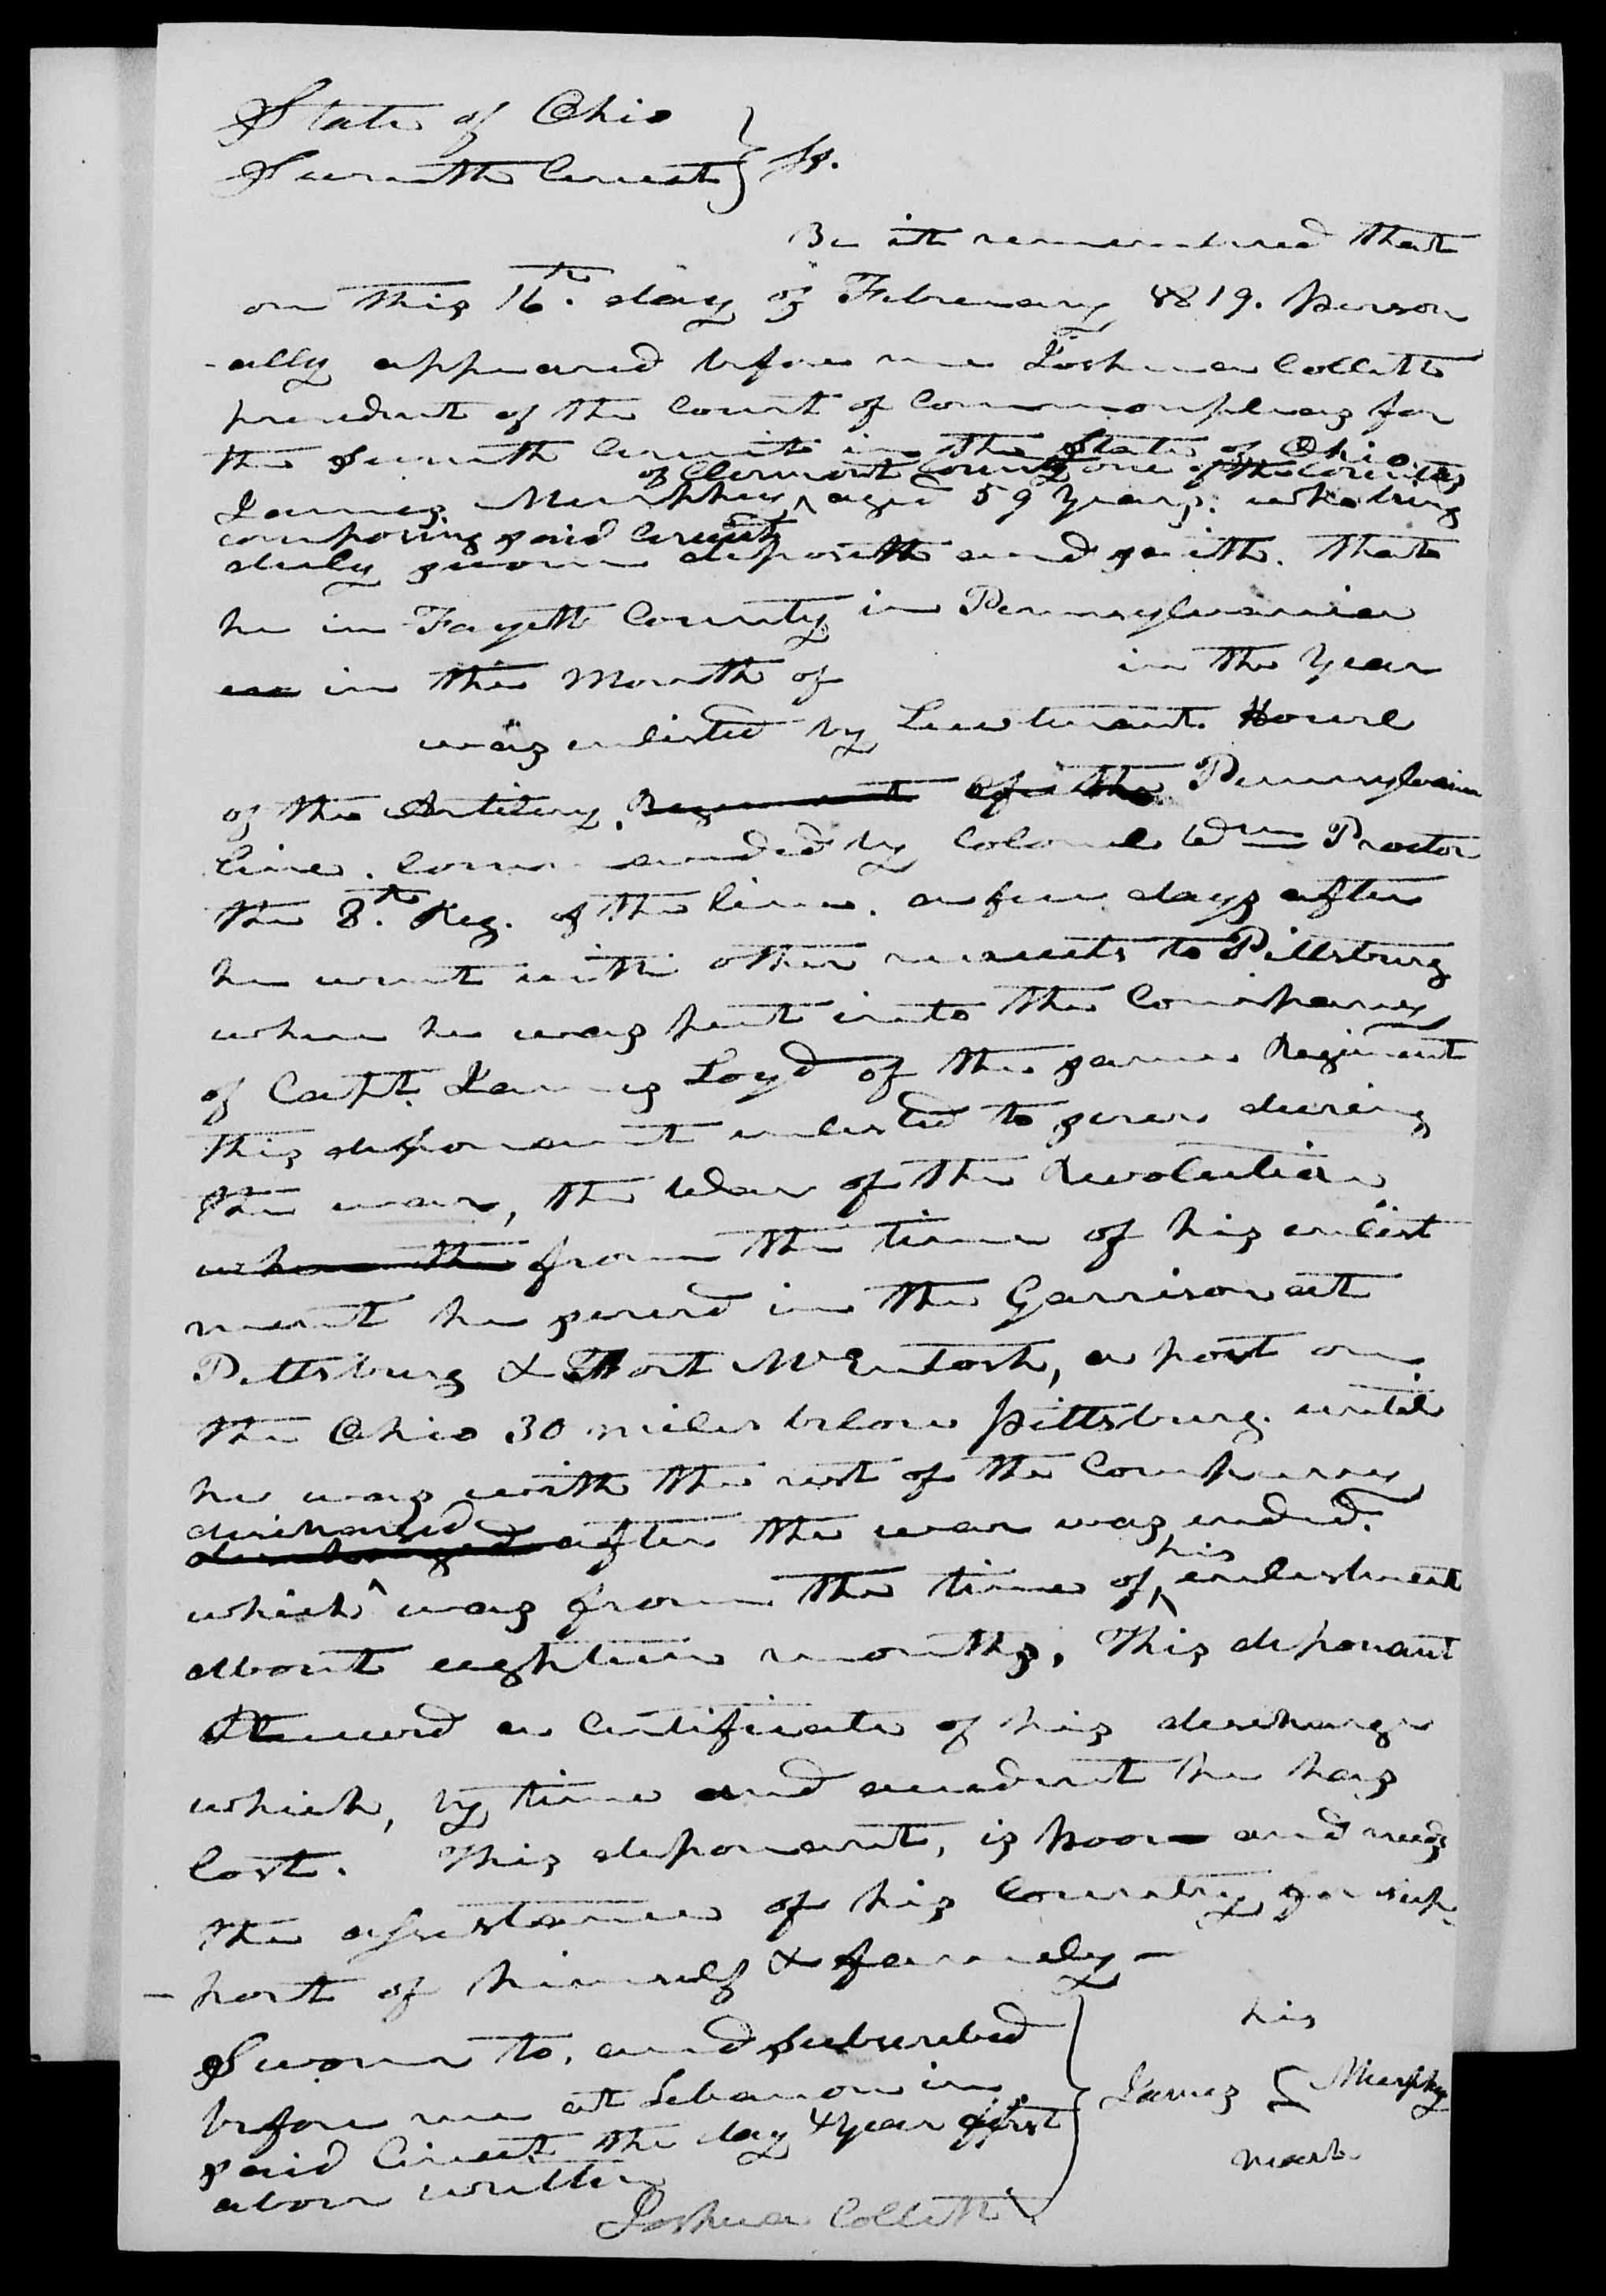State of Ohio
Seventh Circuit   SS

Be it remembered that 
on this 16 day of February 1819. Personally 
appeared before me Joshua Collett
president of the Court of Common pleas for
the seventh circuit in the state of Ohio.
James Murphey of Clermont County 
 one of the circuits, 
aged 59 years: who being
composing said circuit 
duly sworn deposeth and saith that 
he in Fayett County in Pennsylvania
in the month of  ______ in the year ____
_____ was enlisted by Lieutenant Hourl
of the Artilery of the Pennsylvanian
line commanded by Colonel Proctor
the 8th Reg of the line a few days after
he went with other recruits to Pittsburg
where he was put into the Company
of Capt James Loyd of the same Regiment
This deponent enlisted to serve during 
the war, the war of the Revolution
 from the time of his enlistment
he served in the Garrison at
Pittsburg & Fort Wentworth, a fort on
the Ohio 30 miles below Pittsburg until
he was with the rest of the Company 
dismissed after the war was ended.
which was from the time of his enlistment
about eighteen months, This deponent
Received a certificate of his discharge
which, by time and [    ] he has
lost,   This deponent, is poor and needs
the assistance of his Country for support
of himself and family

James Murphy  X his mark

Sworn to and subscribed
before me at Lebanon in
said Circuit the day & year first
above written
Joshua Collett  /s/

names: Wm Proctor; Joshua Collett; James Loyd; [BLANK] Howe; James Murphey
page: 10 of 57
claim: widow's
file: W. 25,739, for James Murphey, Pennsylvania